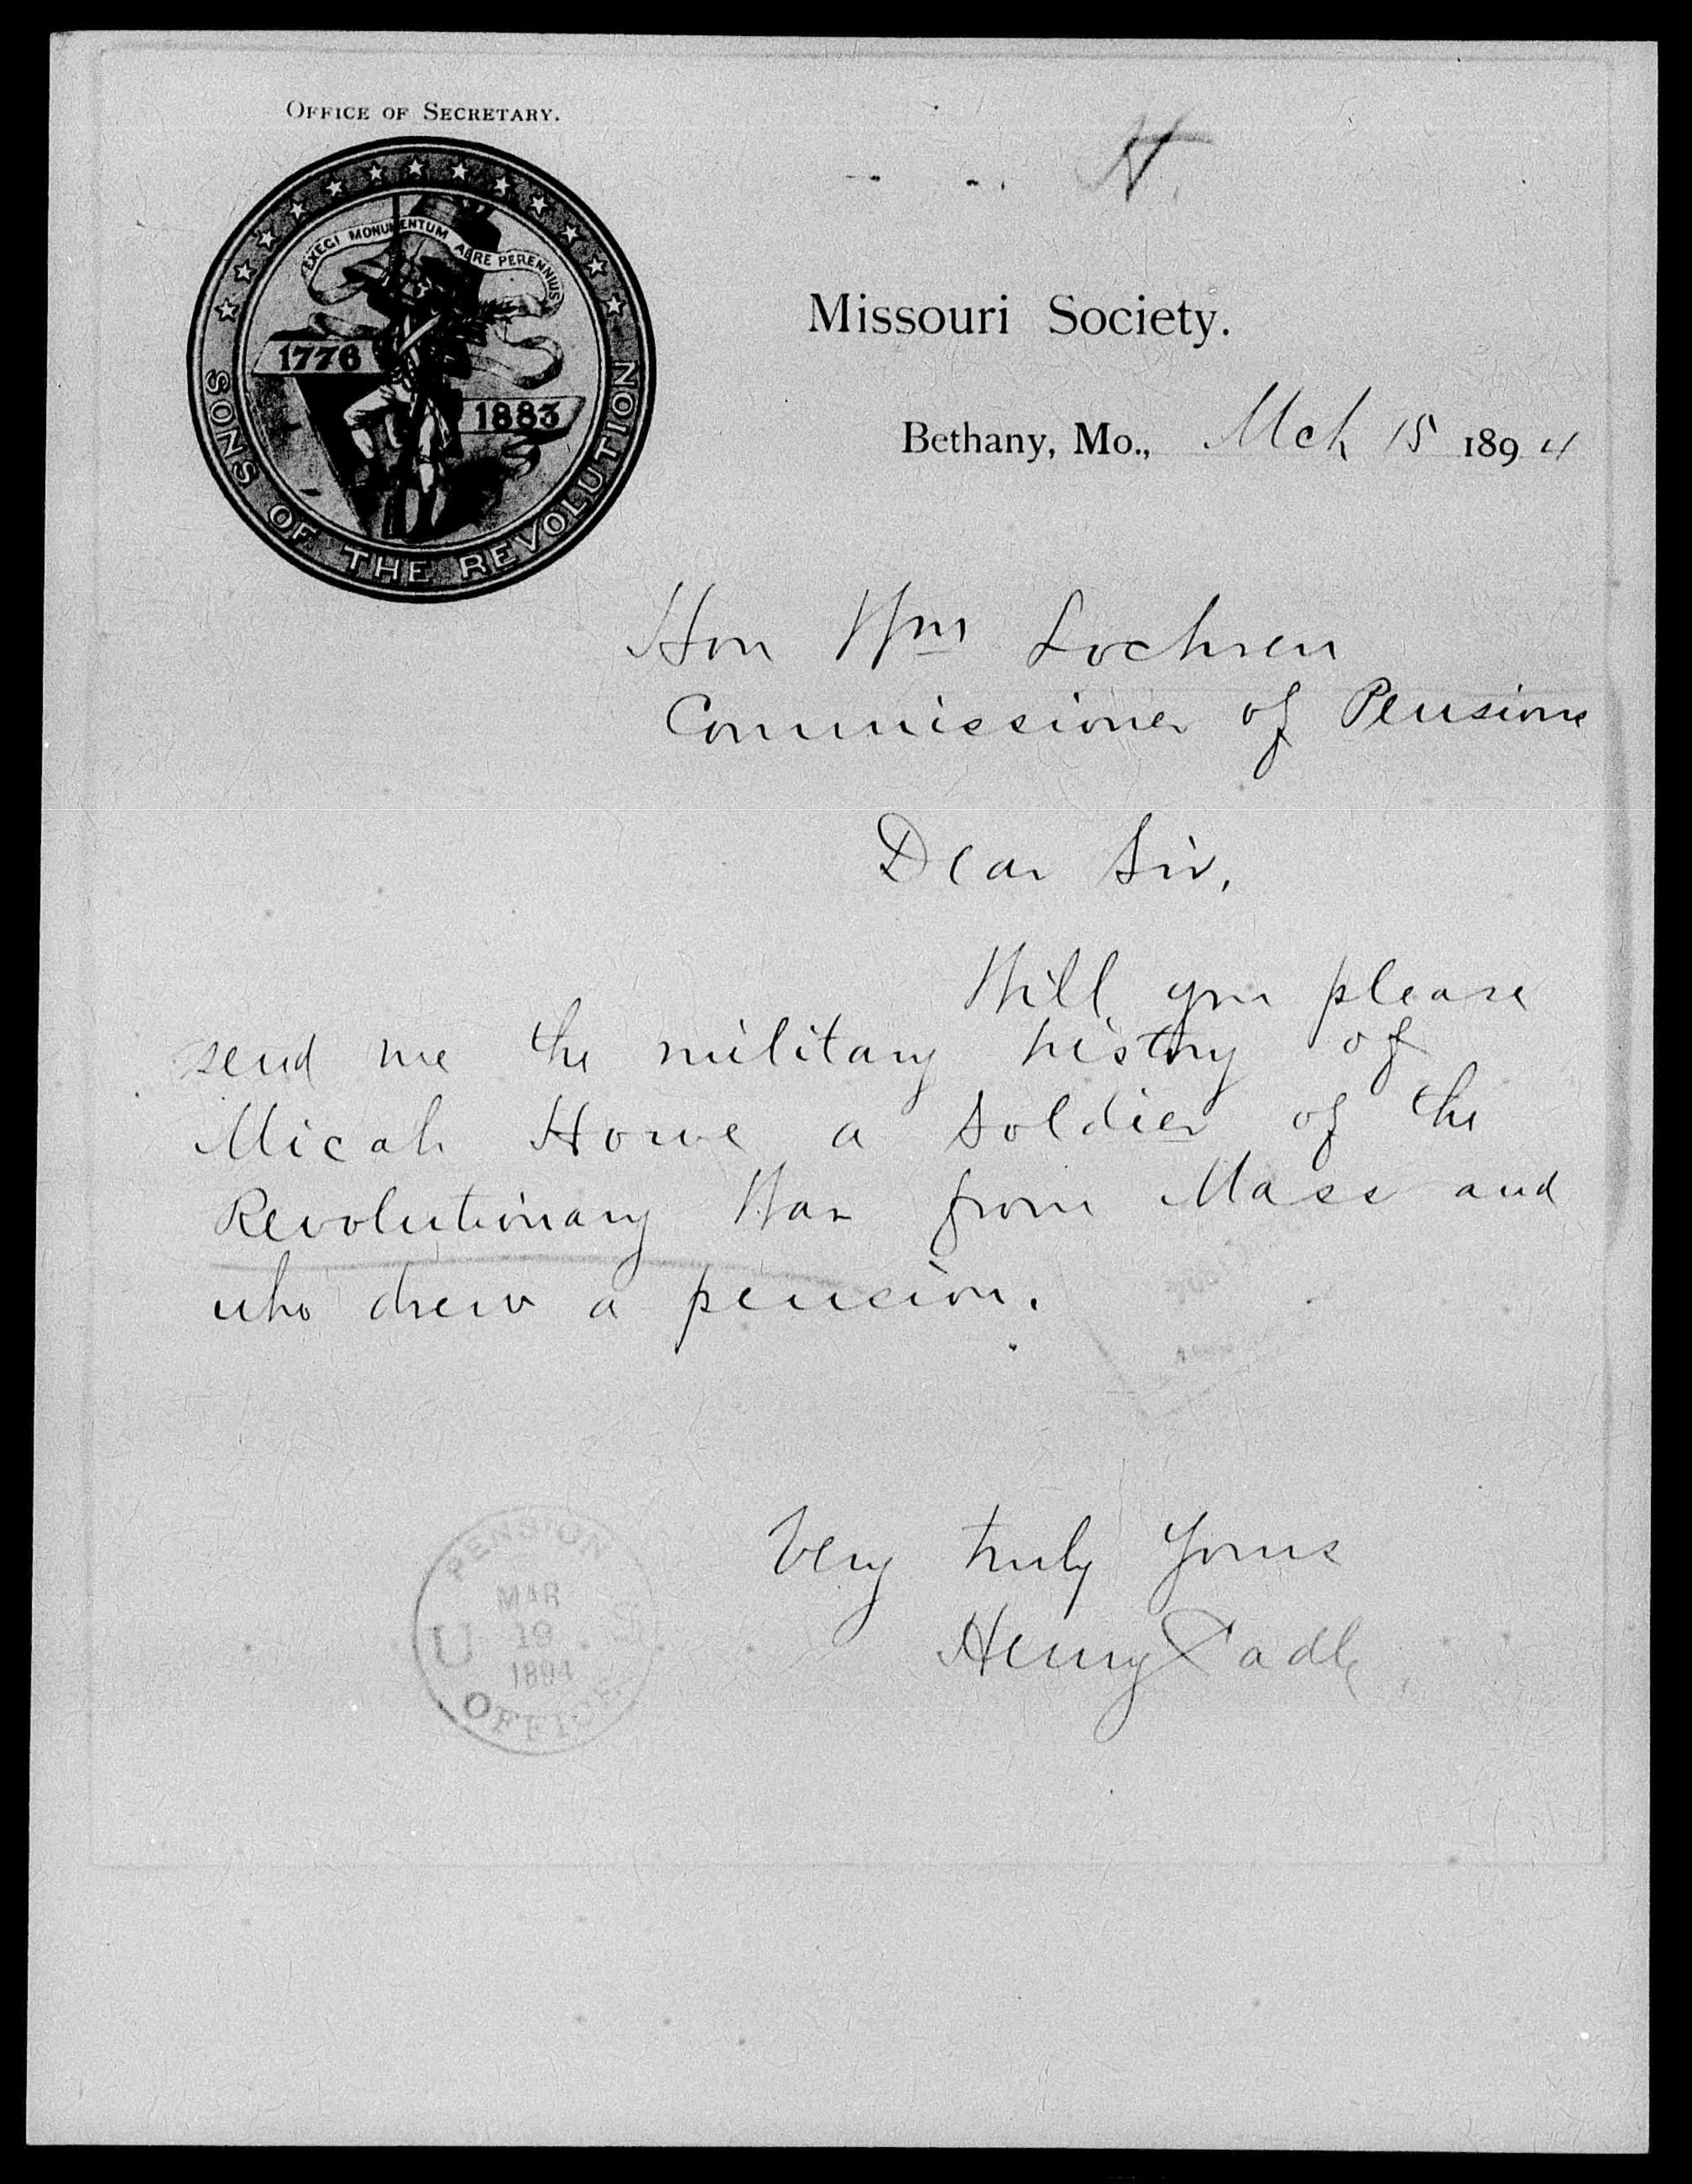Office of Secretary
[seal] SONS OF THE REVOLUTION 1776 1883
Missouri Society. Bethany, Mo. ,Mch [MARCH] 15 1894

Hon [HONORABLE] Wm [WILLIAM] Lochren
Commissioner of Pensions
Dear Sir,
Will you please send me the military history of
Micah Howe a soldier of the Revolutionary
War from Mass and who drew a pension.

Very truly Yours
Henry Cadle

[stamp] U.S. PENSION OFFICE MAR 19 1894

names: Henry Cadle; Wm Lochren; Micah Howe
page: 41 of 53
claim: widow's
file: W. 492, for Daniel Lamprey, New Hampshire